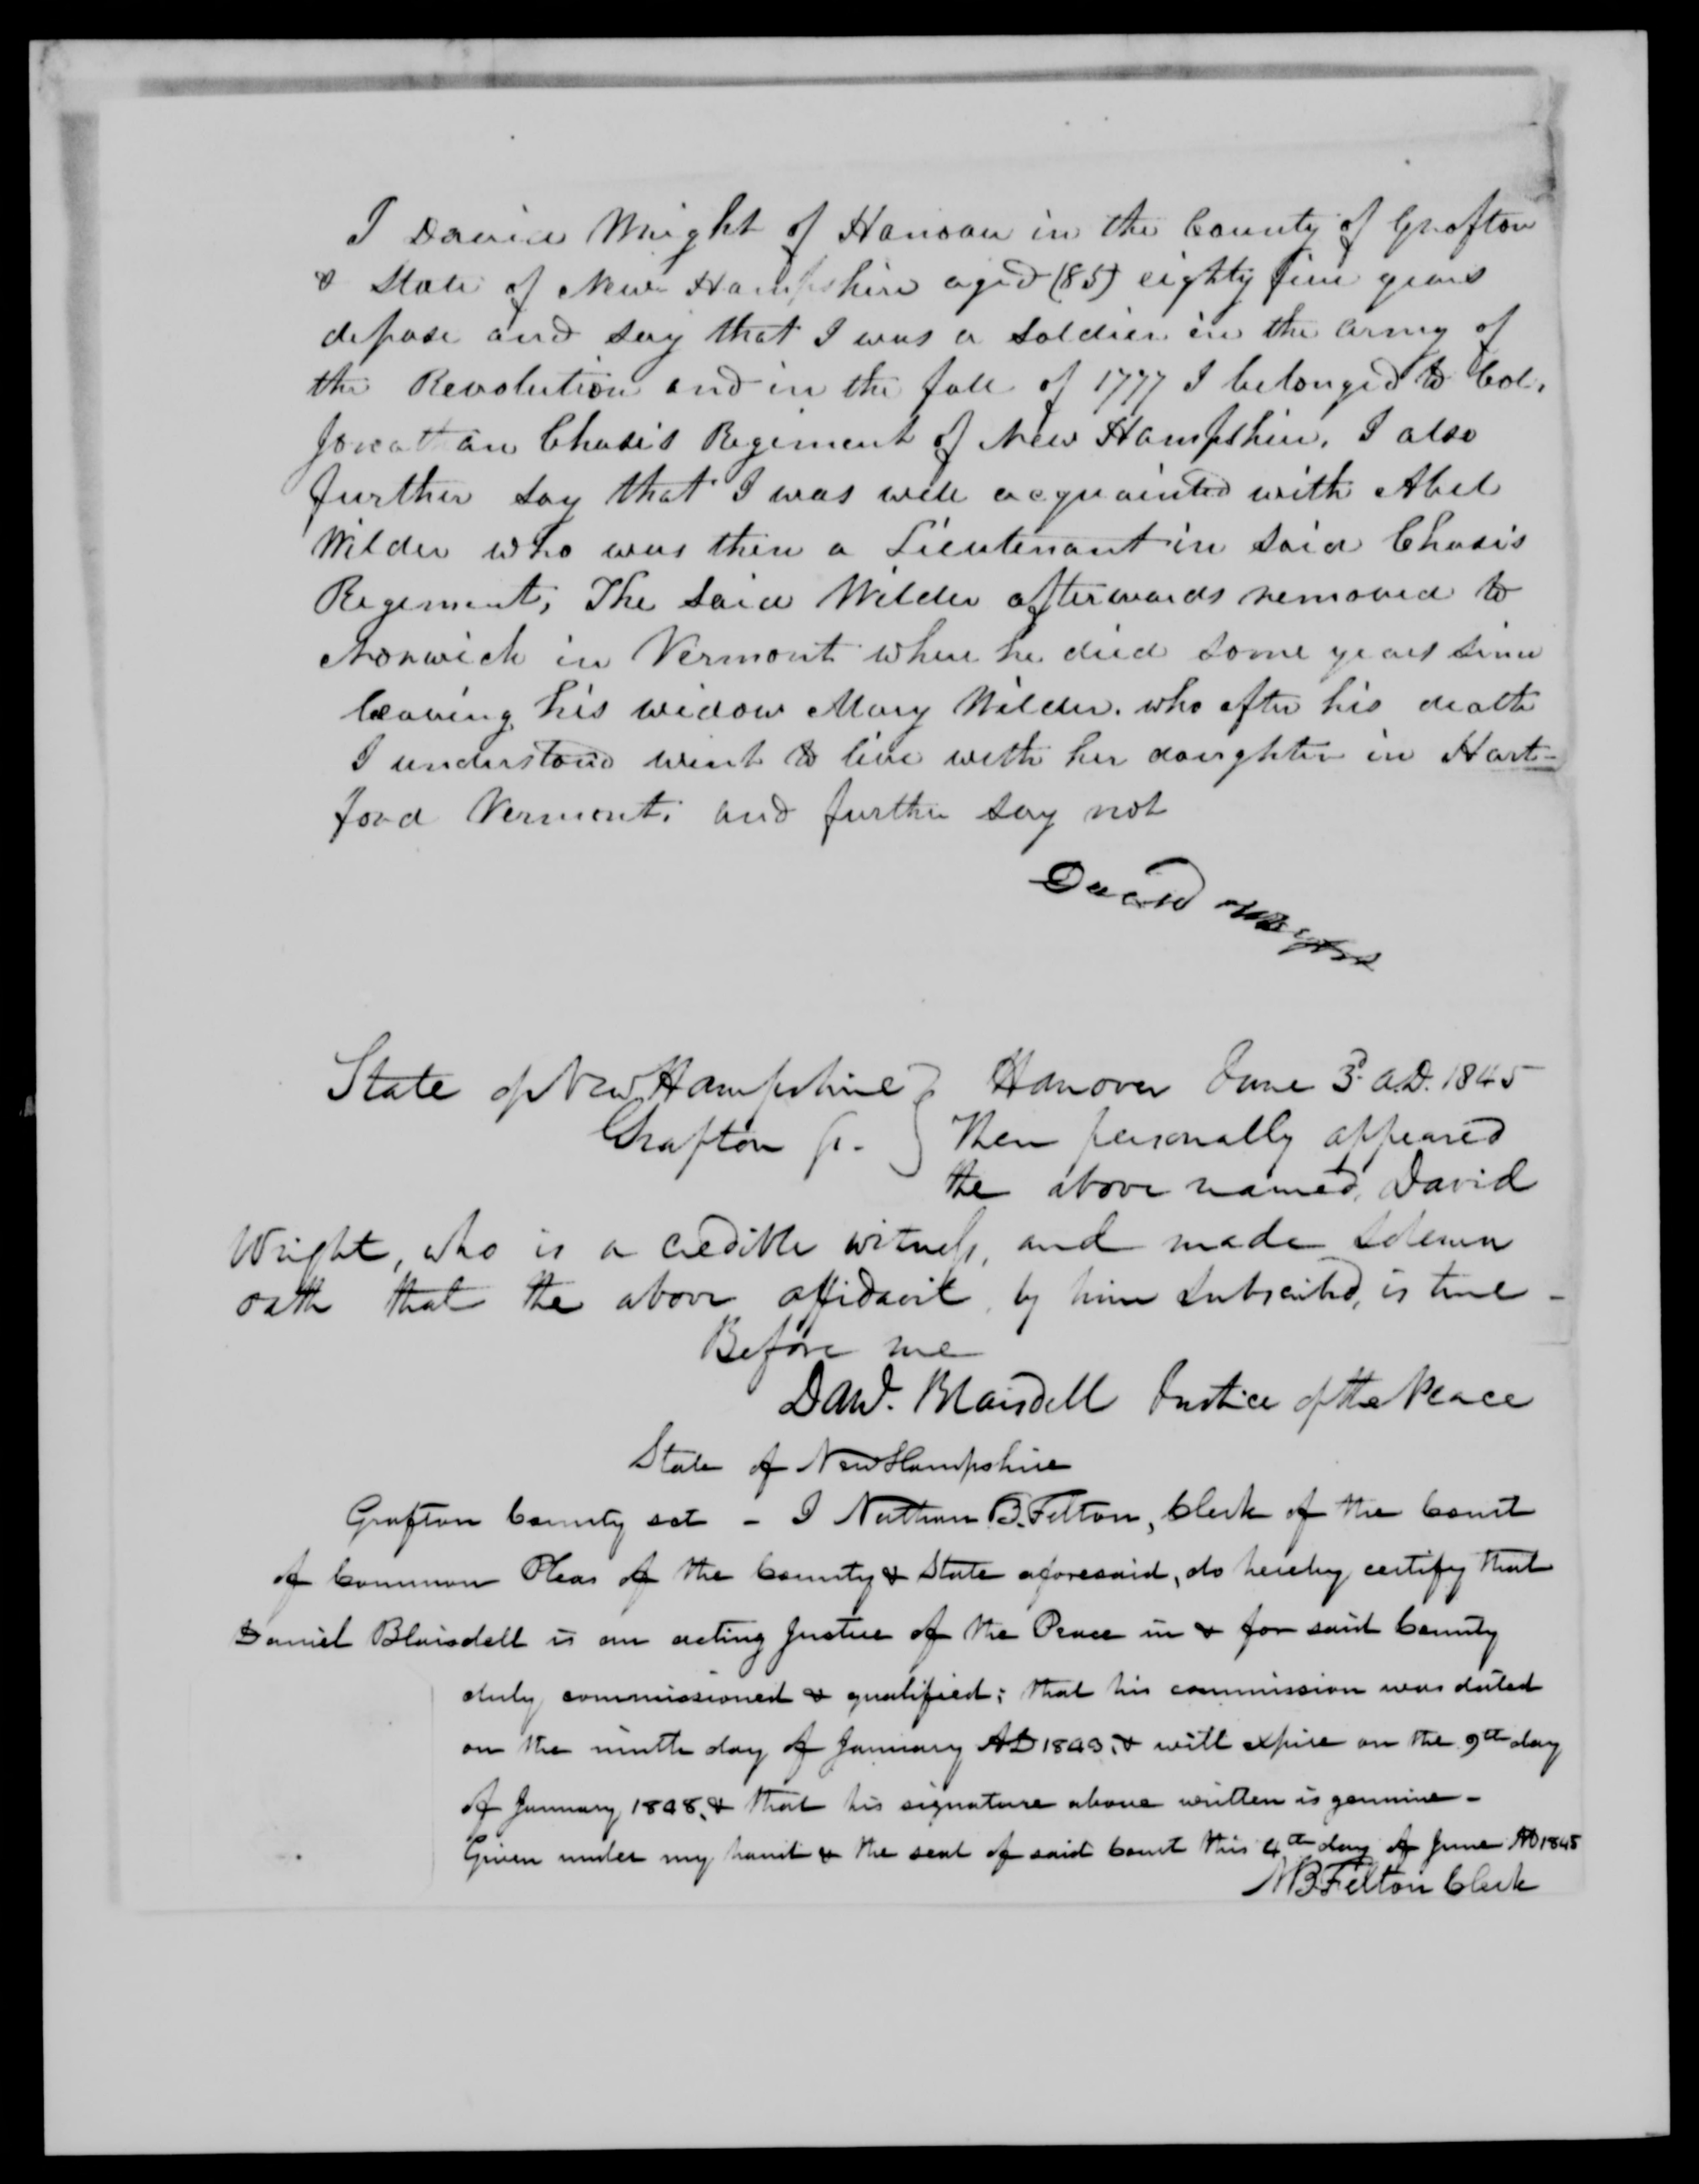I David Wright of Hanson in the County of Grafton State of New Hampshire aged (85) eighty five years depose and say that Iw as a soldier in the army of the Revolution and in the July of 1777 I belong to Col. Jonathan Chase’s Regiment of New Hampshire. I also further say that I was well acquainted with Abel Wilder who was then a Lieutenant in said Chase’s Regiment, The said Wilder afterwards removed to Norwich in Vermont where he did some years [service] leaving his widow Mary Wilder, who after his death I understand went to live with her daughter in Hart-ford Vermont, and further say not
David Wright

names: Mary Wilder, Nathan B Felton, Danl Blaisdell, David Wright, Abel Wilder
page: 16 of 40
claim: widow's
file: W. 18,426, Abel Wilder, Mass. N.H. Vt.